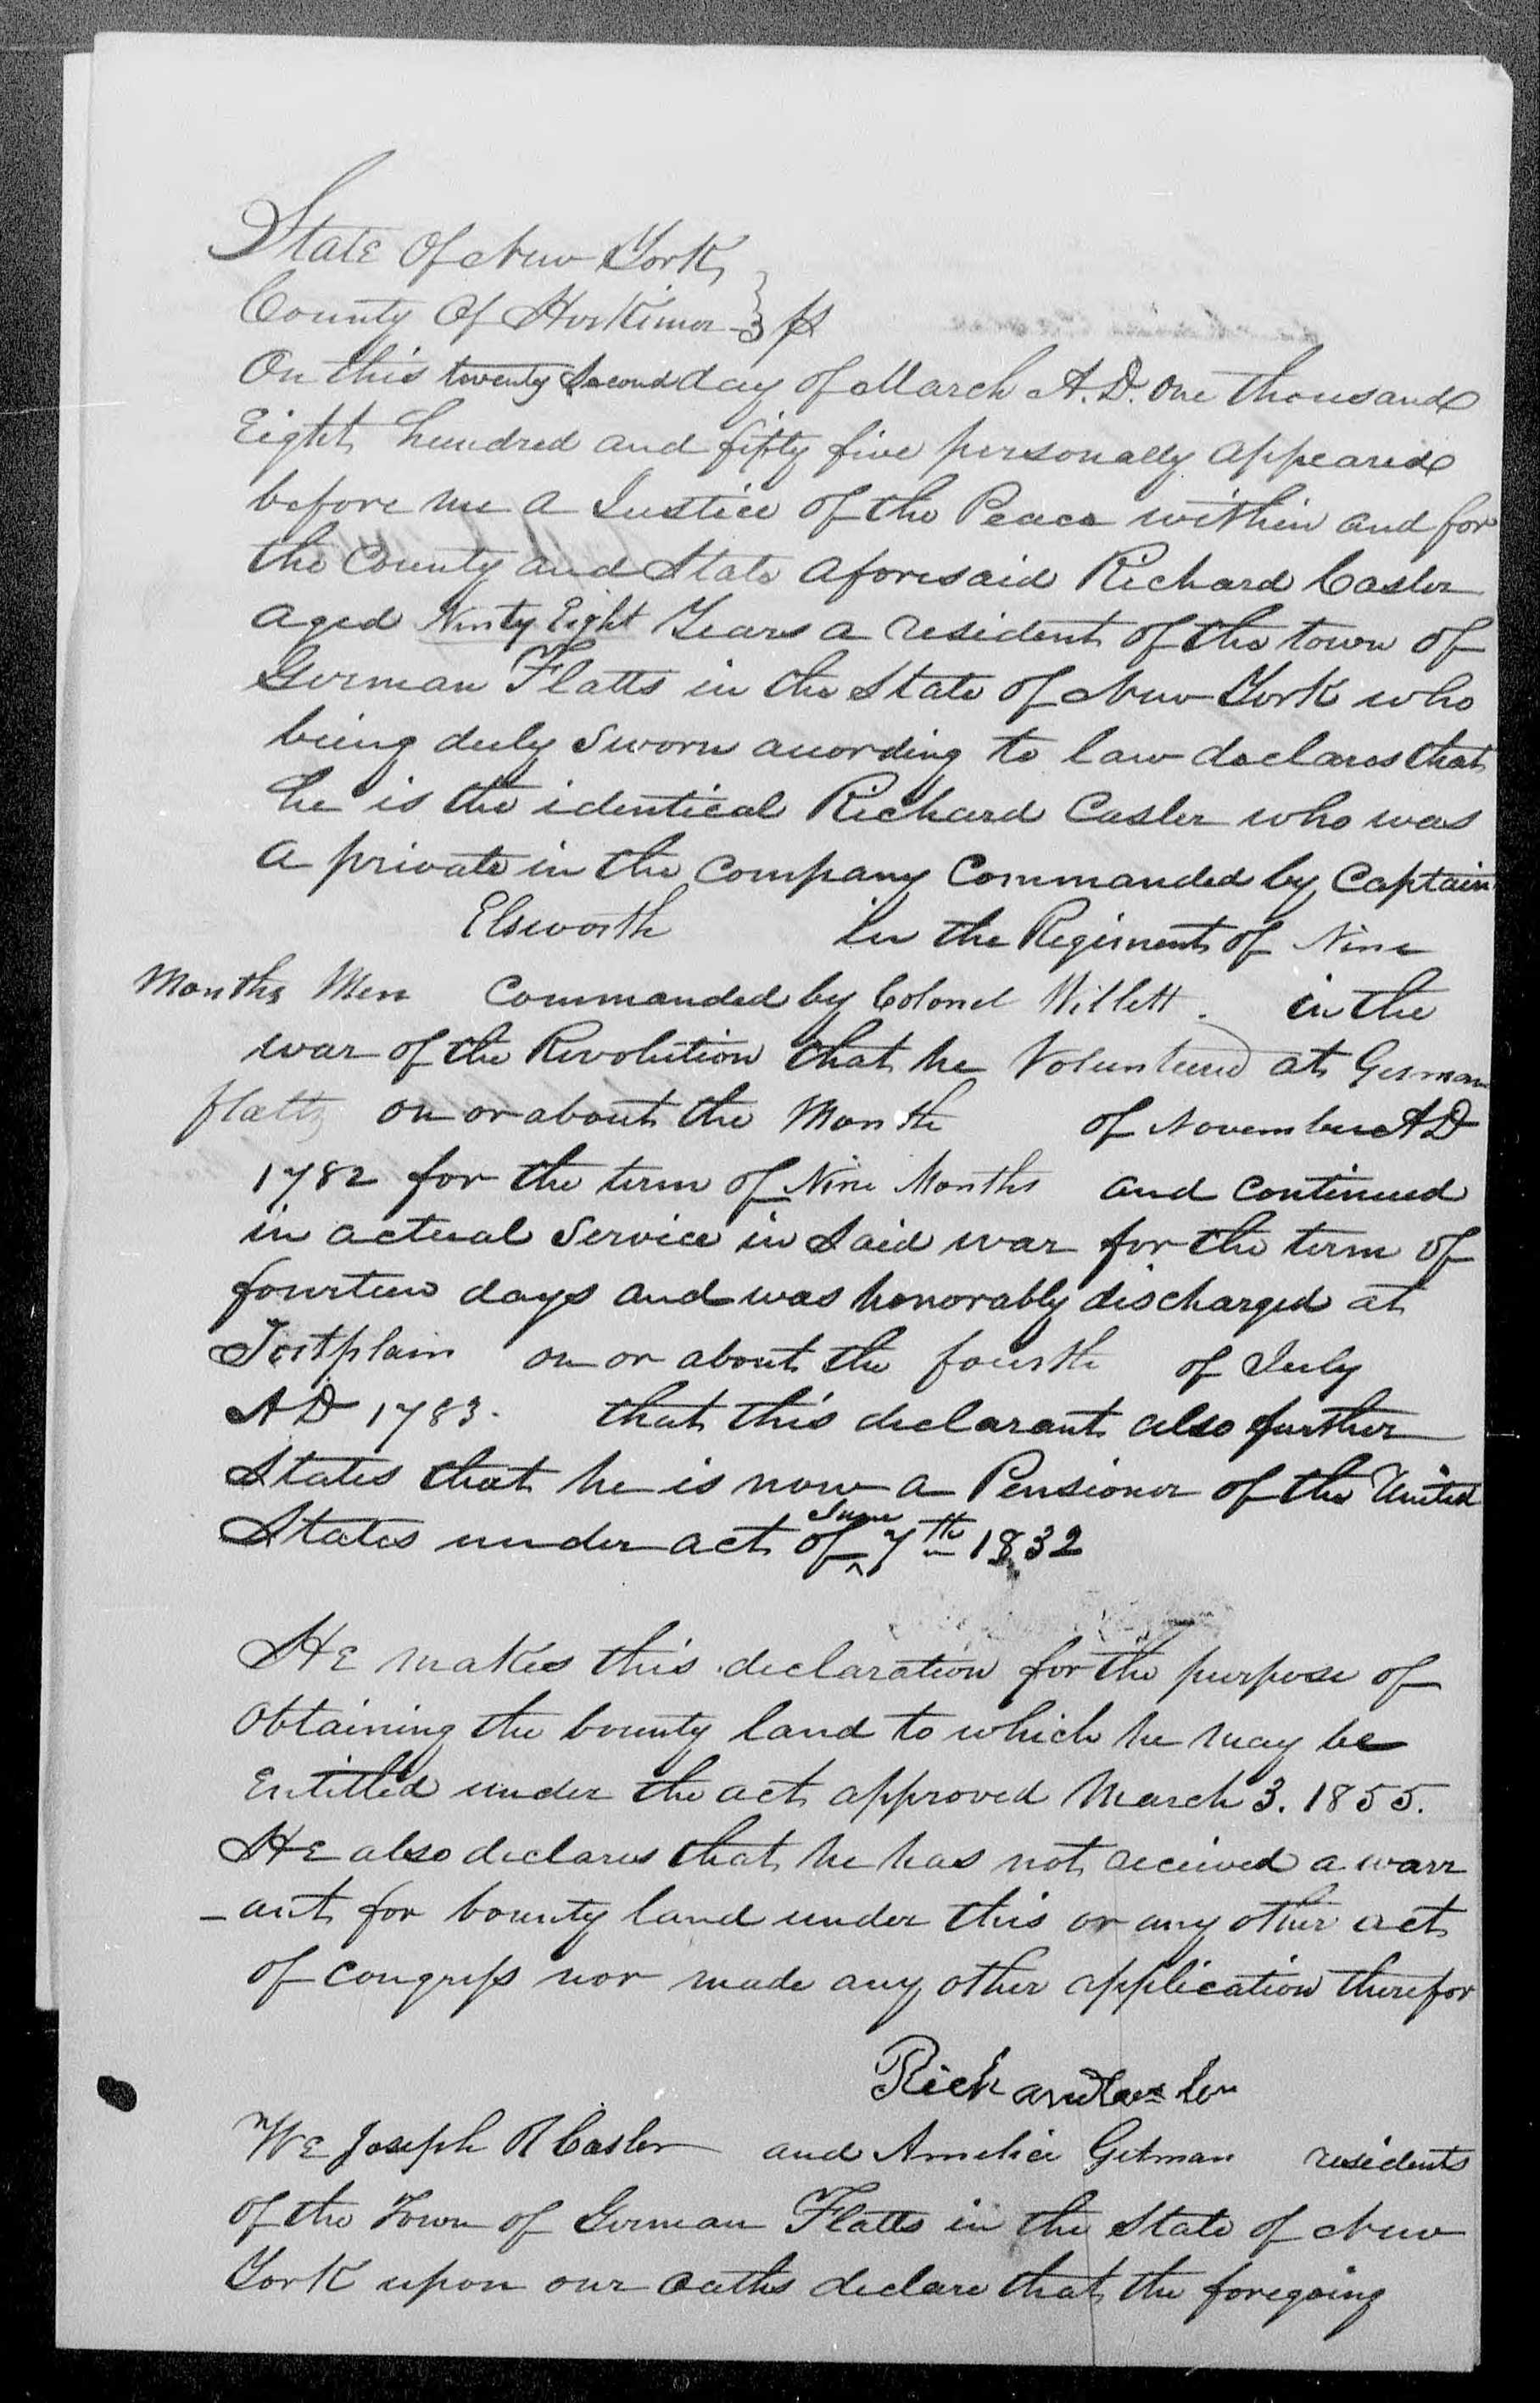State of New York 
County of Herkimer } ss
On this twenty second day of March A.D. one thousand eight hundred and fifty five personally appeared before me a Justice of the Peace within and for the County and State aforesaid Richard Casler aged Ninty Eight years a resident of the town of German Flatts in the State of New York who being duly sworn according to law declares that he is the identical Richard Casler who was a private in the company commanded by Captain Ellsworth in the Regiment of Nine months men commanded by Colonel Willett in the war of the Revolution that he volunteered at German flatts on or about the month of November AD 1782 for the term of Nine months and continued in actual service in said war for the term of fourteen days and was honorably discharged at Fort plain on or about the fourth of July A D 1783. that this declarant also further states that he is now a Pensioner of the United States under act of June 7th 1832 
He makes this declaration for the purpose of obtaining the bounty land to which he may be entitled under the act approved March 3, 1855. He also declares that he has not received a warrant for bounty land under this or any other act of Congress nor made any other application therefore 
[signed] Richard Casler 
We Joseph R Casler and Amelia Getman residents of the Town of German Flatts in the State of New York upon our oaths declare that the foregoing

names: Amelia Getman, Joseph R Casler, Willett, Richard Casler, Richard Casler, Elsworth, Richard Casler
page: 23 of 66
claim: widow's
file: W. 6637, Richard Caslar, New York